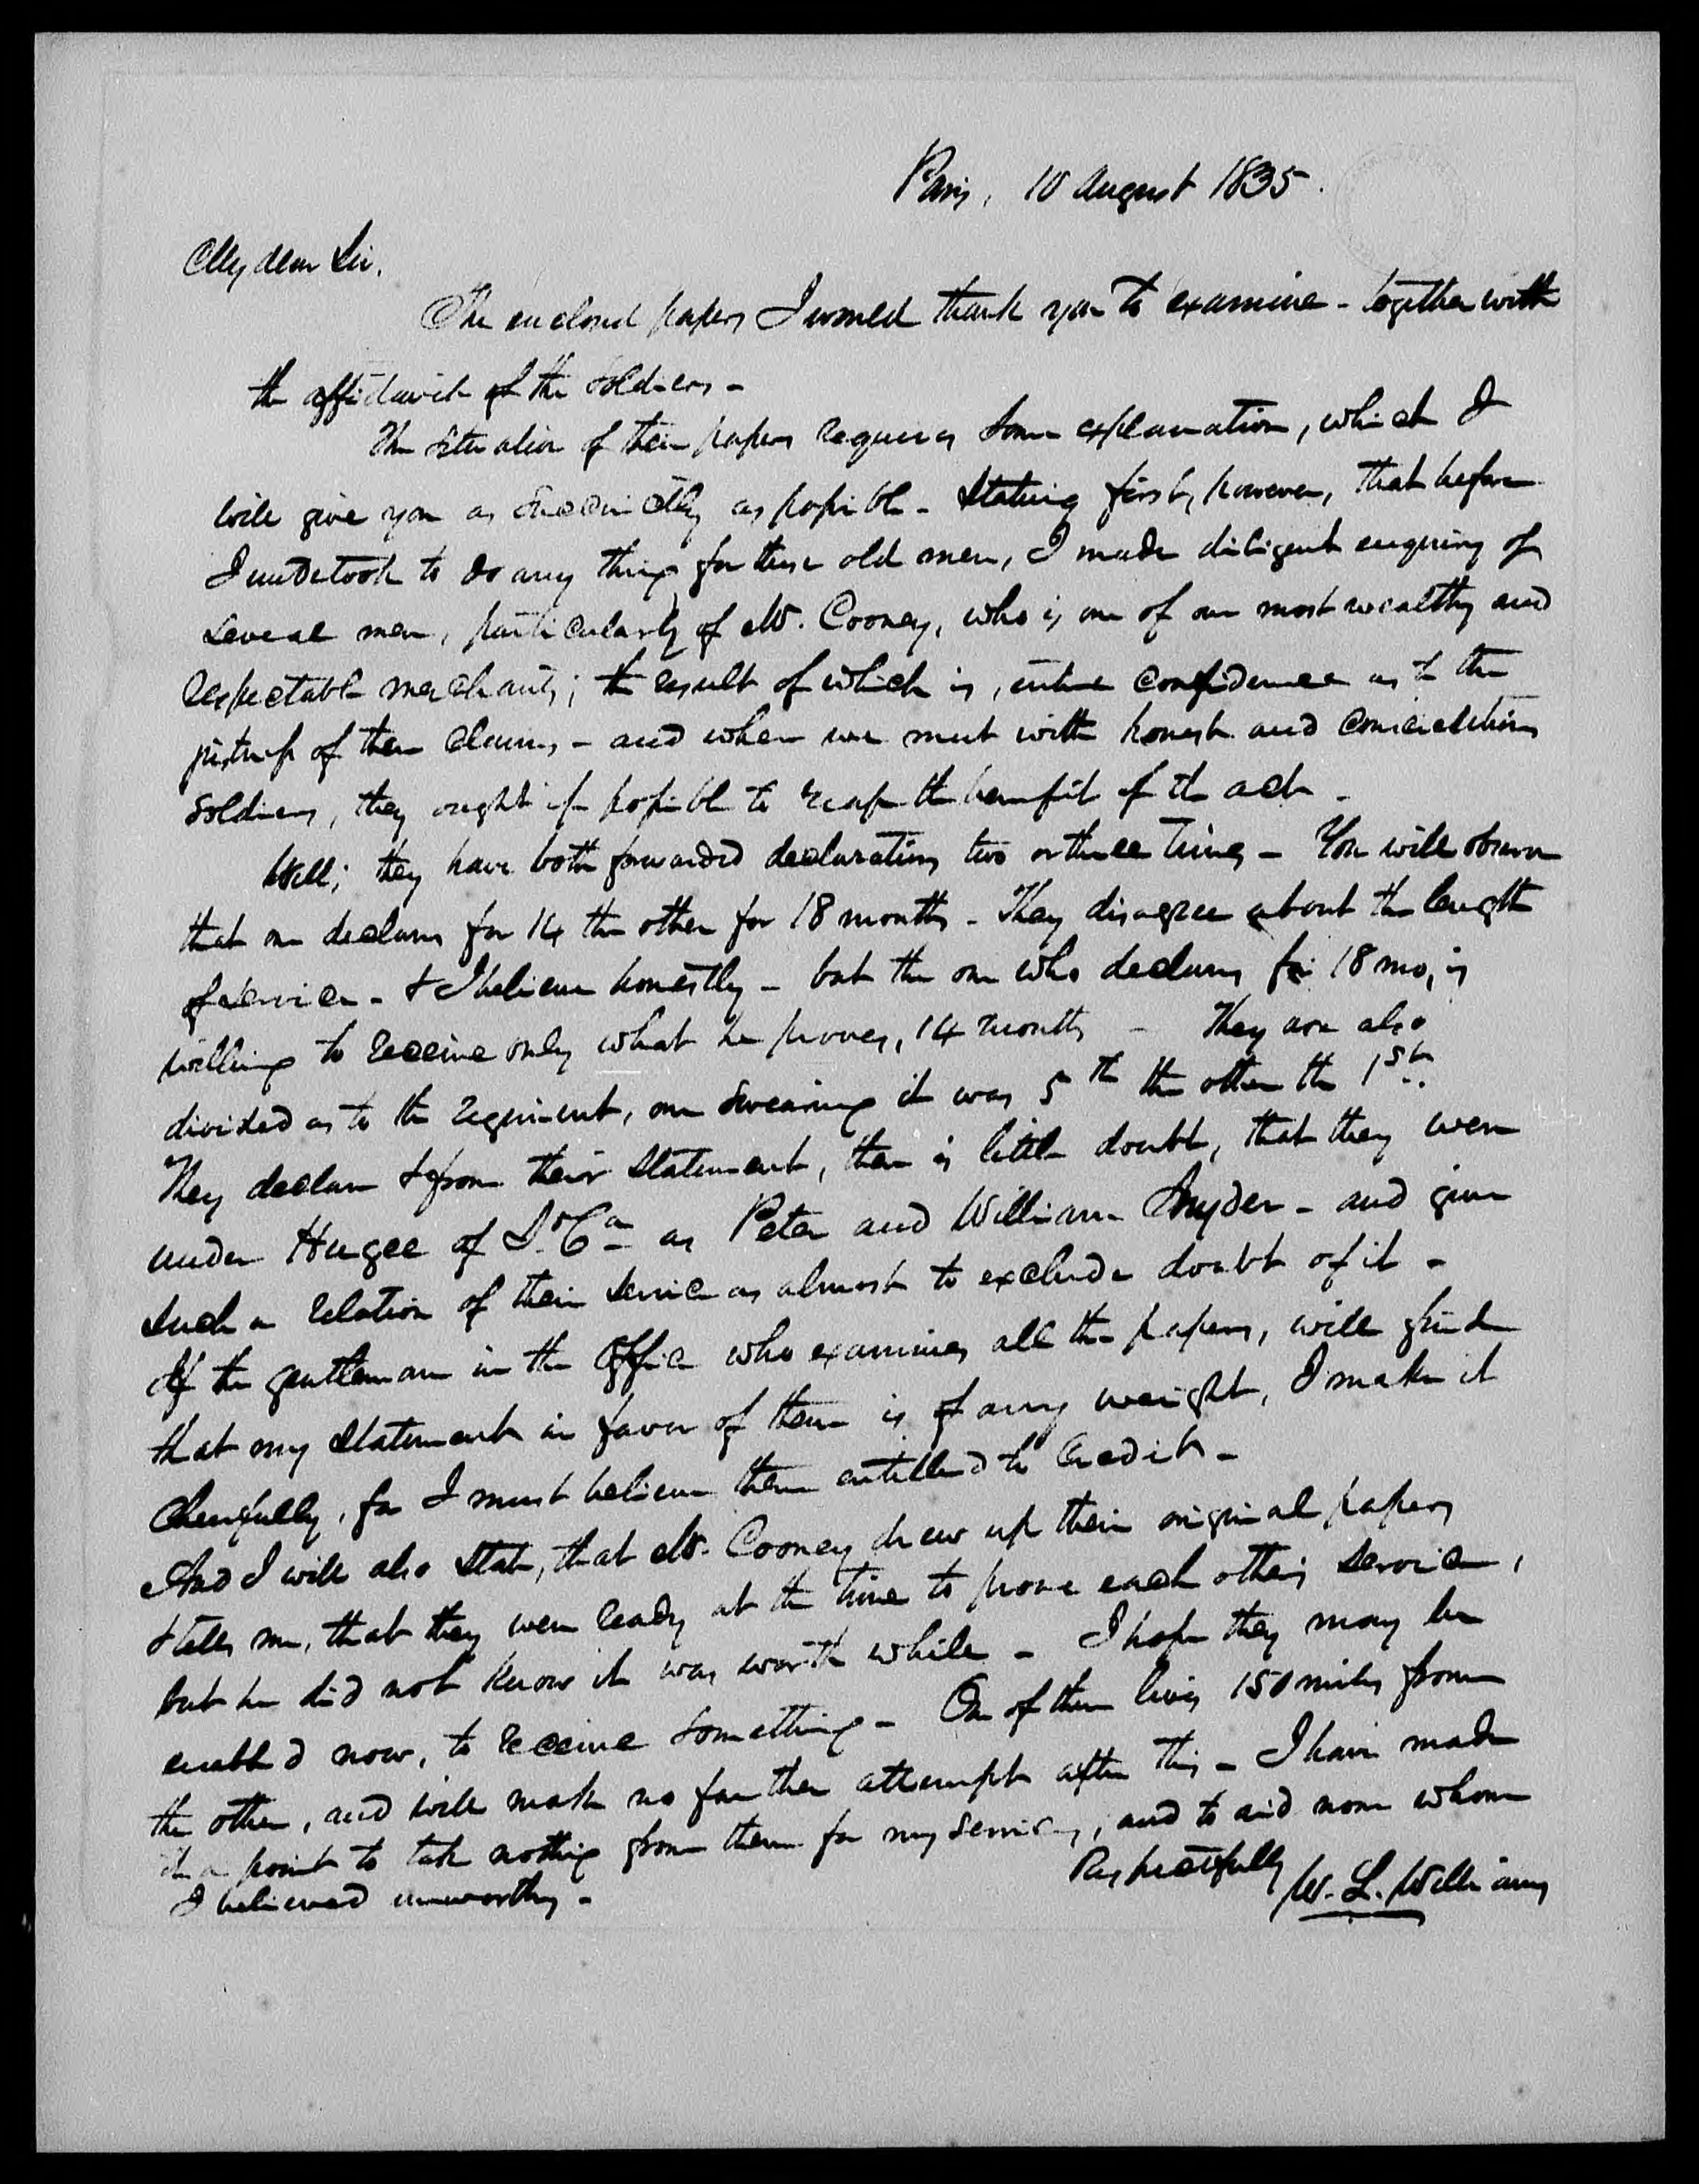Paris, 10 August 1835.
My dear Sir,
The enclosed papers I would thank you to examine together with the affidavit of the soldiers.
The situation of their papers requires some explanation, which I will give you as suddenly as possible. Stating first, however, that before I undertook to do any thing for these old men, I made diligent enquiry of several men, particularly of Mr. Cooney, who is one of our most wealthy and respectable merchants; & result of which is entire confidence as to the witness of their claims and when we meet with honest and conscientious soldiers, they ought if possible to reap the benefit of the act.
Well; they have both forwarded declarations two or three times-- You will observe that one declared for 14 the other for 18 months. They disagree about the length of service - & I believe honestly - but the one who declares for 18 mos. is willing to receive only what he proves, 14 months. They are also divided as to the regiment, one swearing it was 5th the other the 1st. They declare & from their statements, there is little doubt, that they were under Hugee of So. Ca. as Peter and William Snyder - and give such a relation of their service as almost to exclude doubt of it. If the gentleman in the office who examines all the papers, will find that any statement in favor of them is of any weight, I make it cheerfully, for I must believe them entitled to credit.
And I will also state, that Mr. Cooney drew up their original papers & tells me, that they were lead, at the time to prove each other's service, but he did not know it was worth while- I hope they may be [illegible] & and now, to receive something.  One of them lives 150 miles from the other, and will make no further attempt at this. I have made it a point to take nothing from them for my services, and to aid none whom I believed unworthy.
Respectfully W. L. Williams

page: 25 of 33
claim: rejected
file: R 10439, for William Taylor, North Carolina